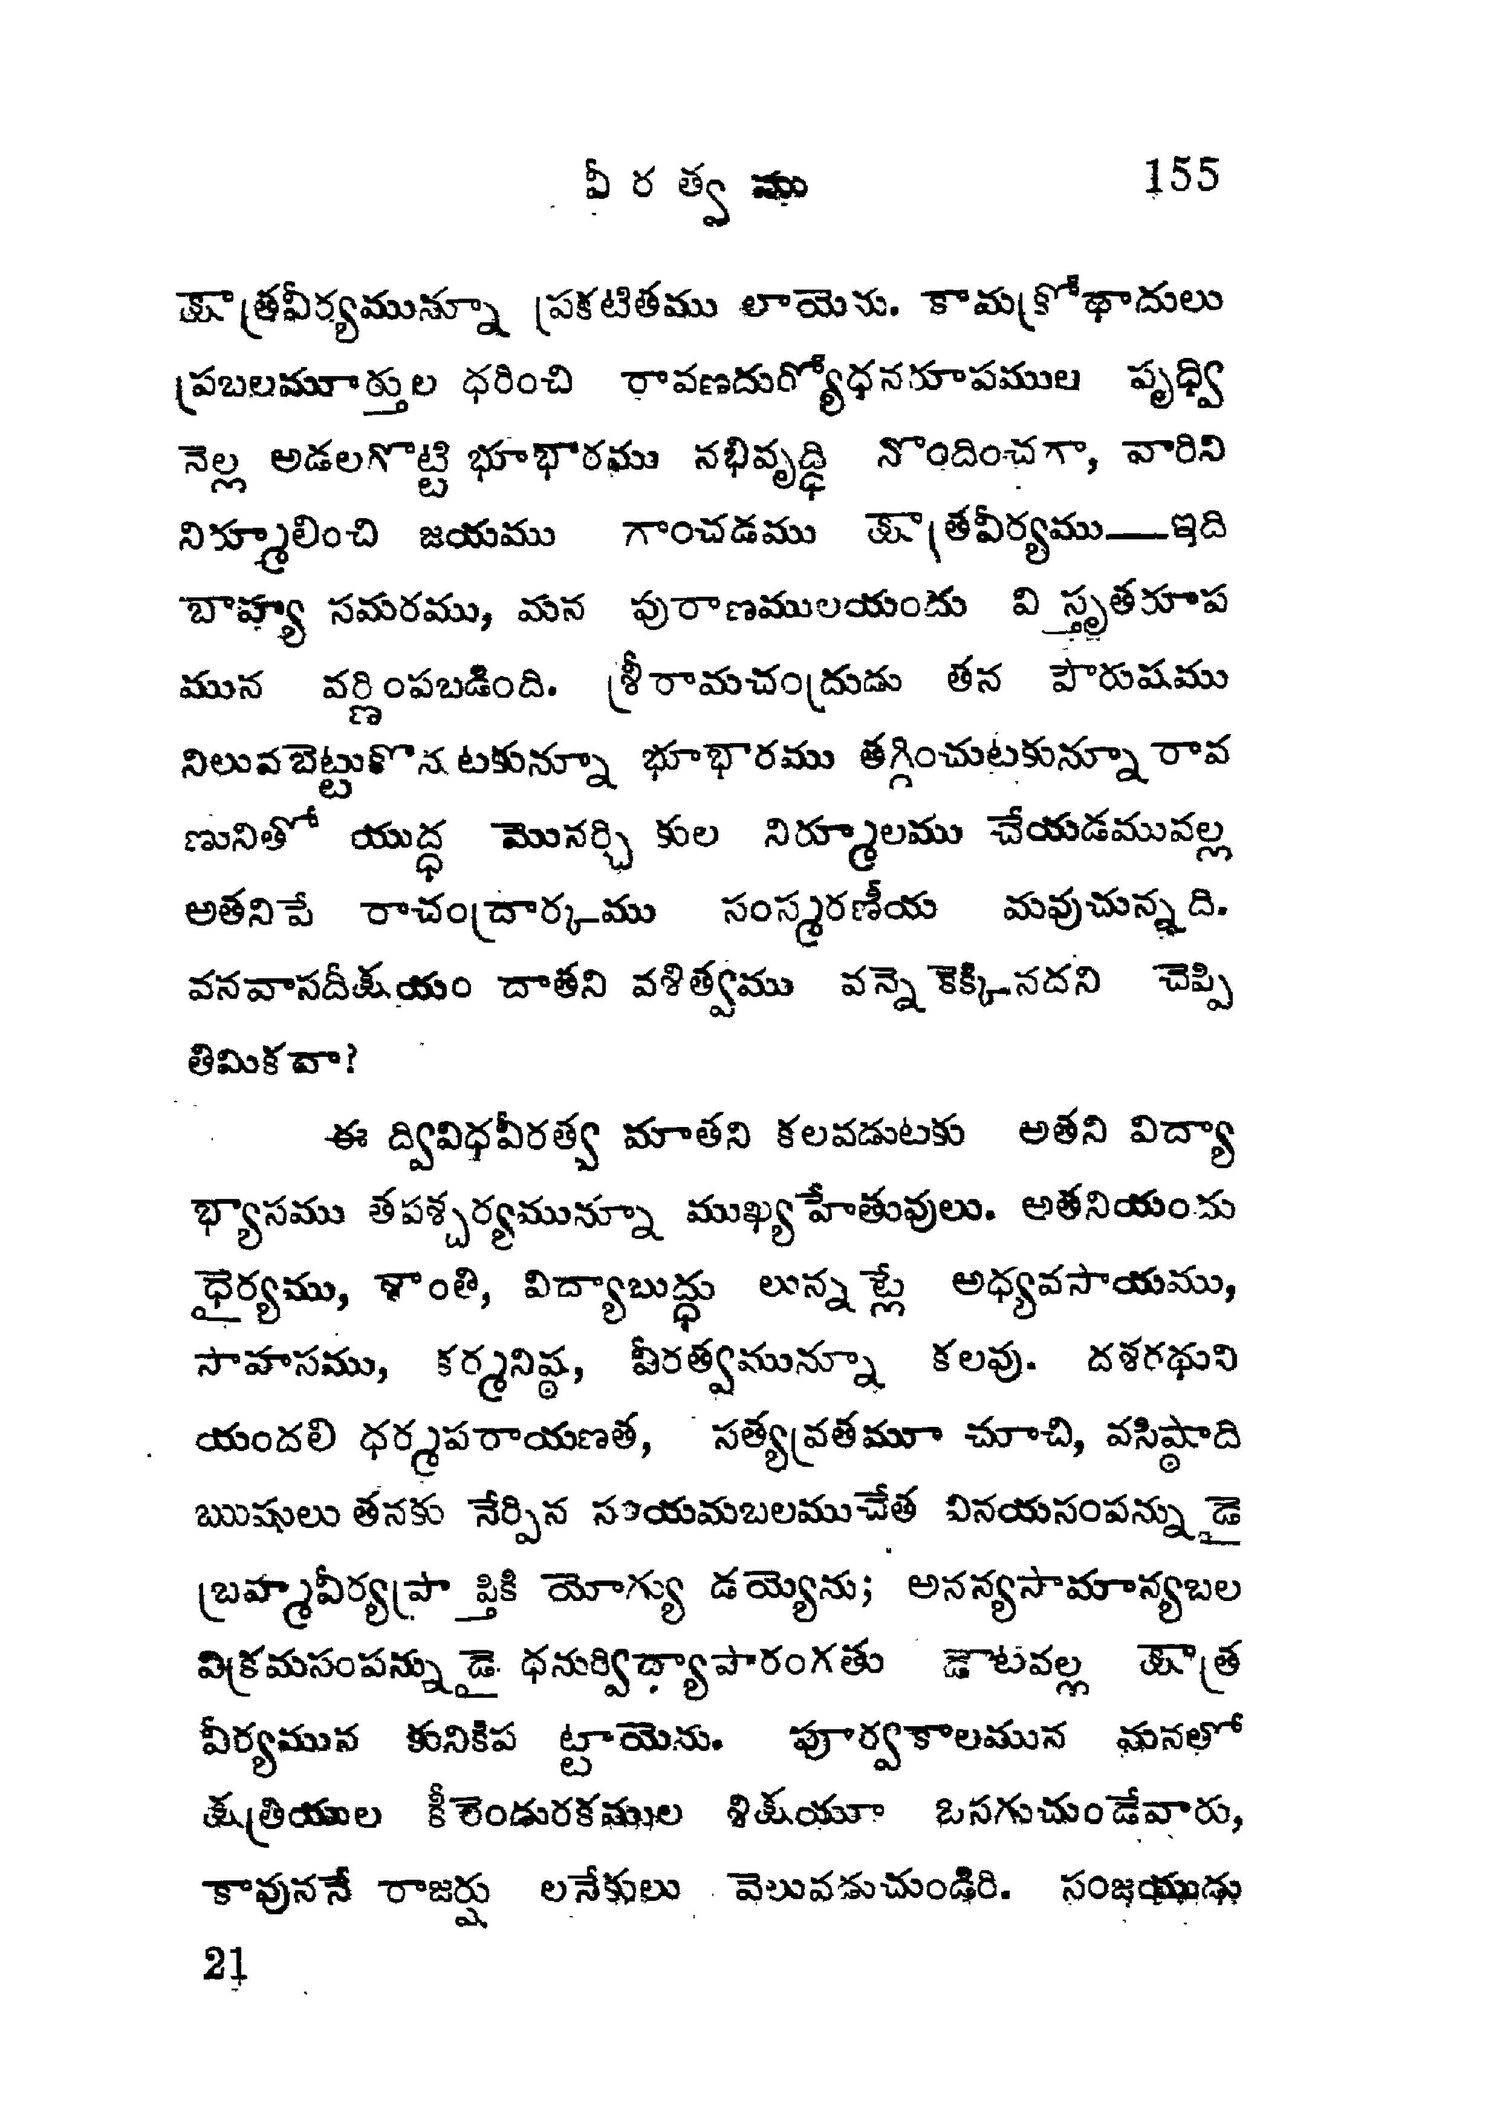క్షాత్రవీర్యమున్నూ ప్రకటితము లాయెను. కామక్రోథాదులు ప్రబలమూర్తుల ధరించి రావణదుర్యోధనరూపముల పృధ్వి నెల్ల అడలగొట్టి భూభారము నభివృద్ధి నొందించగా, వారిని నిర్మూలించి జయము గాంచడము క్షాత్రవీర్యము - ఇది బాహ్య సమరము, మన పురాణములయందు విస్తృతరూపమున వర్ణింపబడింది. శ్రీరామచంద్రుడు తన పౌరుషము నిలువబెట్టుకొనుటకున్నూ భూభారము తగ్గించుటకున్నూ రావణునితో యుద్ధ మొనర్చి కుల నిర్మూలము చేయడమువల్ల అతనిపే రాచంద్రార్కము సంస్మరణీయ మవుచున్నది. వనవాసదీక్షయం దాతని వశిత్వము వన్నె కెక్కినదని చెప్పితిమికదా?

ఈ ద్వివిధవీరత్వ మాతని కలవడుటకు అతని విద్యాభ్యాసము తపశ్చర్యమున్నూ ముఖ్యహేతువులు. అతనియందు ధైర్యము, శాంతి, విద్యాబుద్ధు లున్నట్లే అధ్యవసాయము, సాహసము, కర్మనిష్ఠ, వీరత్వమున్నూ కలవు. దశరథుని యందలి ధర్మపరాయణత, సత్యవ్రతమూ చూచి, వసిష్ఠాది ఋషులు తనకు నేర్పిన సంయమబలముచేత వినయసంపన్నుడై బ్రహ్మవీర్యప్రాప్తికి యోగ్యు డయ్యెను; అనన్యసామాన్యబల విక్రమసంపన్నుడై ధనుర్విధ్యాపారంగతు డౌటవల్ల క్షాత్ర వీర్యమున కునికిప ట్టాయెను. పూర్వకాలమున మనలో క్షత్రియుల కీరెండురకముల శిక్షయూ ఒసగుచుండేవారు, కావుననే రాజర్షు లనేకులు వెలువడుచుండిరి. సంజయుడు